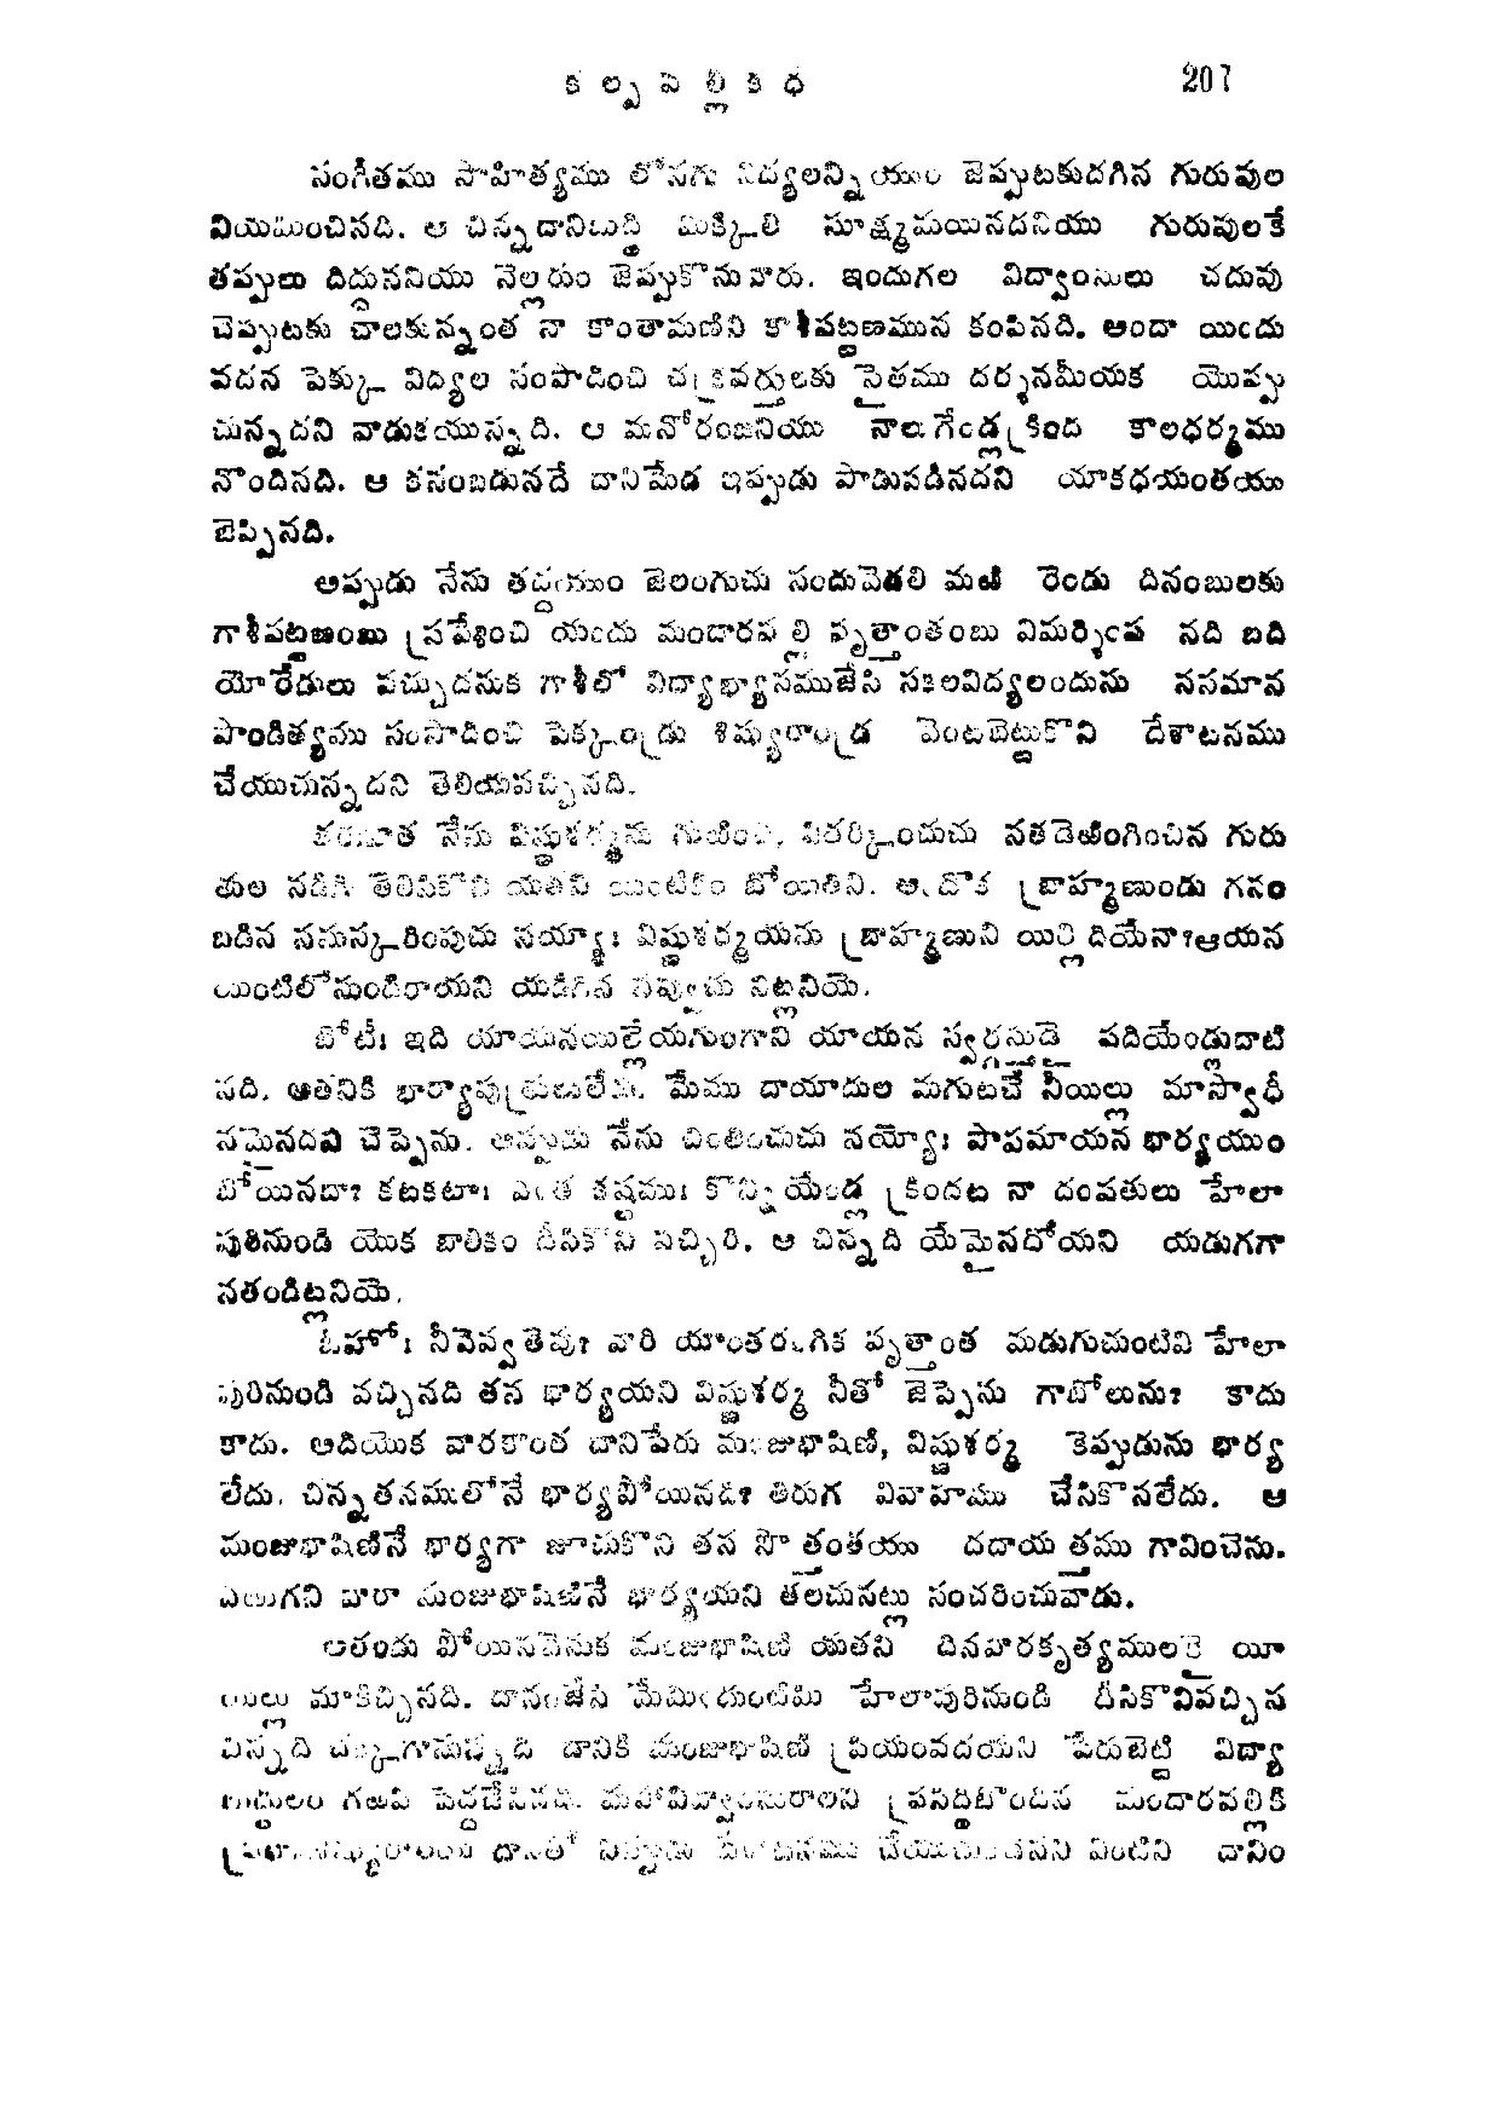సంగీతము సాహిత్యము లోనగు విద్యలన్నియుం జెప్పుటకుదగిన గురువుల నియమించినది. ఆ చిన్నదానిబుద్ది మిక్కిలి సూక్ష్మమయినదనియు గురువులకే తప్పులు దిద్దుననియు నెల్లరుం జెప్పుకొనువారు. ఇందుగల విద్వాంసులు చదువు చెప్పుటకు చాలకున్నంత నా కాంతామణిని కాశీపట్టణమున కంపినది. అందా యిందువదన పెక్కువిద్యల సంపాదించి చక్రవర్తులకు సైతము దర్శనమీయక యొప్పుచున్నదని వాడుక యున్నది. ఆ మనోరంజనియు నాలుగేండ్లక్రింద కాలధర్మము
నొందినది. ఆ కనంబడునదే దానిమేడ ఇప్పుడు పాడుపడినదని యాకథయంతయు జెప్పినది.

అప్పుడు నేను తద్దయుం జెలంగుచు నందువెడలి మఱి రెండు దినంబులకు గాశీపట్టణంబు ప్రవేశించి యందు మందారవల్లి వృత్తాంతంబు విమర్శింప నది బదియారేడులు వచ్చుదనుక గాశీలో విద్యాభ్యాసముజేసి సకలవిద్యలందును నసమానపాండిత్యము సంపాదించి పెక్కండ్రు శిష్యురాండ్ర వెంటబెట్టుకొని దేశాటనము చేయుచున్నదని తెలియవచ్చినది.

తరువాత నేను విష్ణుశర్మను గుఱించి వితర్కించుచు నతడెఱింగించిన గురుతుల నడిగి తెలిసికొని యతని యింటికిం బోయితిని. అందొక బ్రాహ్మణుండు గనంబడిన నమస్కరింపుచు నయ్యా! విష్ణుశర్మయను బ్రాహ్మణుని యిల్లి దియేనా? ఆయన యింటిలోనుండిరాయని యడిగిన నవ్వుచు నిటనియె.

బోటీ! ఇది యాయనయిల్లేయగుంగాని యాయన స్వర్గస్తుడై పదియేండ్లుదాటినది. అతనికి భార్యాపుత్రులులేరు. మేము దాయాదుల మగుటచే నీయిల్లు మాస్వాధీనమైనదని చెప్పెను. అప్పుడు నేను చింతించుచు నయ్యో! పాపమాయన భార్యయుం బోయినదా? కటకటా? ఎంత కష్టము? కొన్ని యేండ్ల క్రిందట నా దంపతులు హేలాపురినుండి యొక బాలికం చేసికొని వచ్చిరి. ఆ చిన్నది యేమైనదోయని యడుగగా నతండిట్లనియె.

ఓహో! నీవెవ్వతెవు? వారి యాంతరంగిక వృత్తాంత మడుగుచుంటివి హేలాపురినుండి వచ్చినది తన భార్యయని విష్ణుశర్మ నీతో జెప్పెను గాబోలును? కాదు. అదియొక వారకాంత దానిపేరు మంజుభాషిణి, విష్ణుశర్మ కెప్పుడును భార్య లేదు. చిన్నతనములోనే భార్యపోయినది? తిరుగ వివాహము చేసికొనలేదు. ఆ మంజుభాషిణినే భార్యగా జూచుకొని తన సొత్తంతయు దదాయత్తము గావించెను. ఎఱుగని వారా మంజుభాషిణినే భార్యయని తలచుసట్లు సంచరించువాడు.

అతండు పోయినవెనుక మంజుభాషిణి యతని దినవారకృత్యములకై యీ యిల్లు మాకిచ్చినది. దానంజేసి మేమిందుంటిమి హేలాపురినుండి దీసికొనివచ్చిన చిన్నది చక్కగానున్నది దానికి మంజుభాషిణి ప్రియంవదయని పేరుబెట్టి విద్యాబుద్దులం గఱపి పెద్దజేసినది. మహావిద్వాంసురాలని ప్రసిద్ధిబొందిన మందారవల్లికి ప్రఖ్యాతశిష్యురాలయి దానితో నిప్పుడు దేశాటనము చేయుచుండెనని వింటిని దానిం